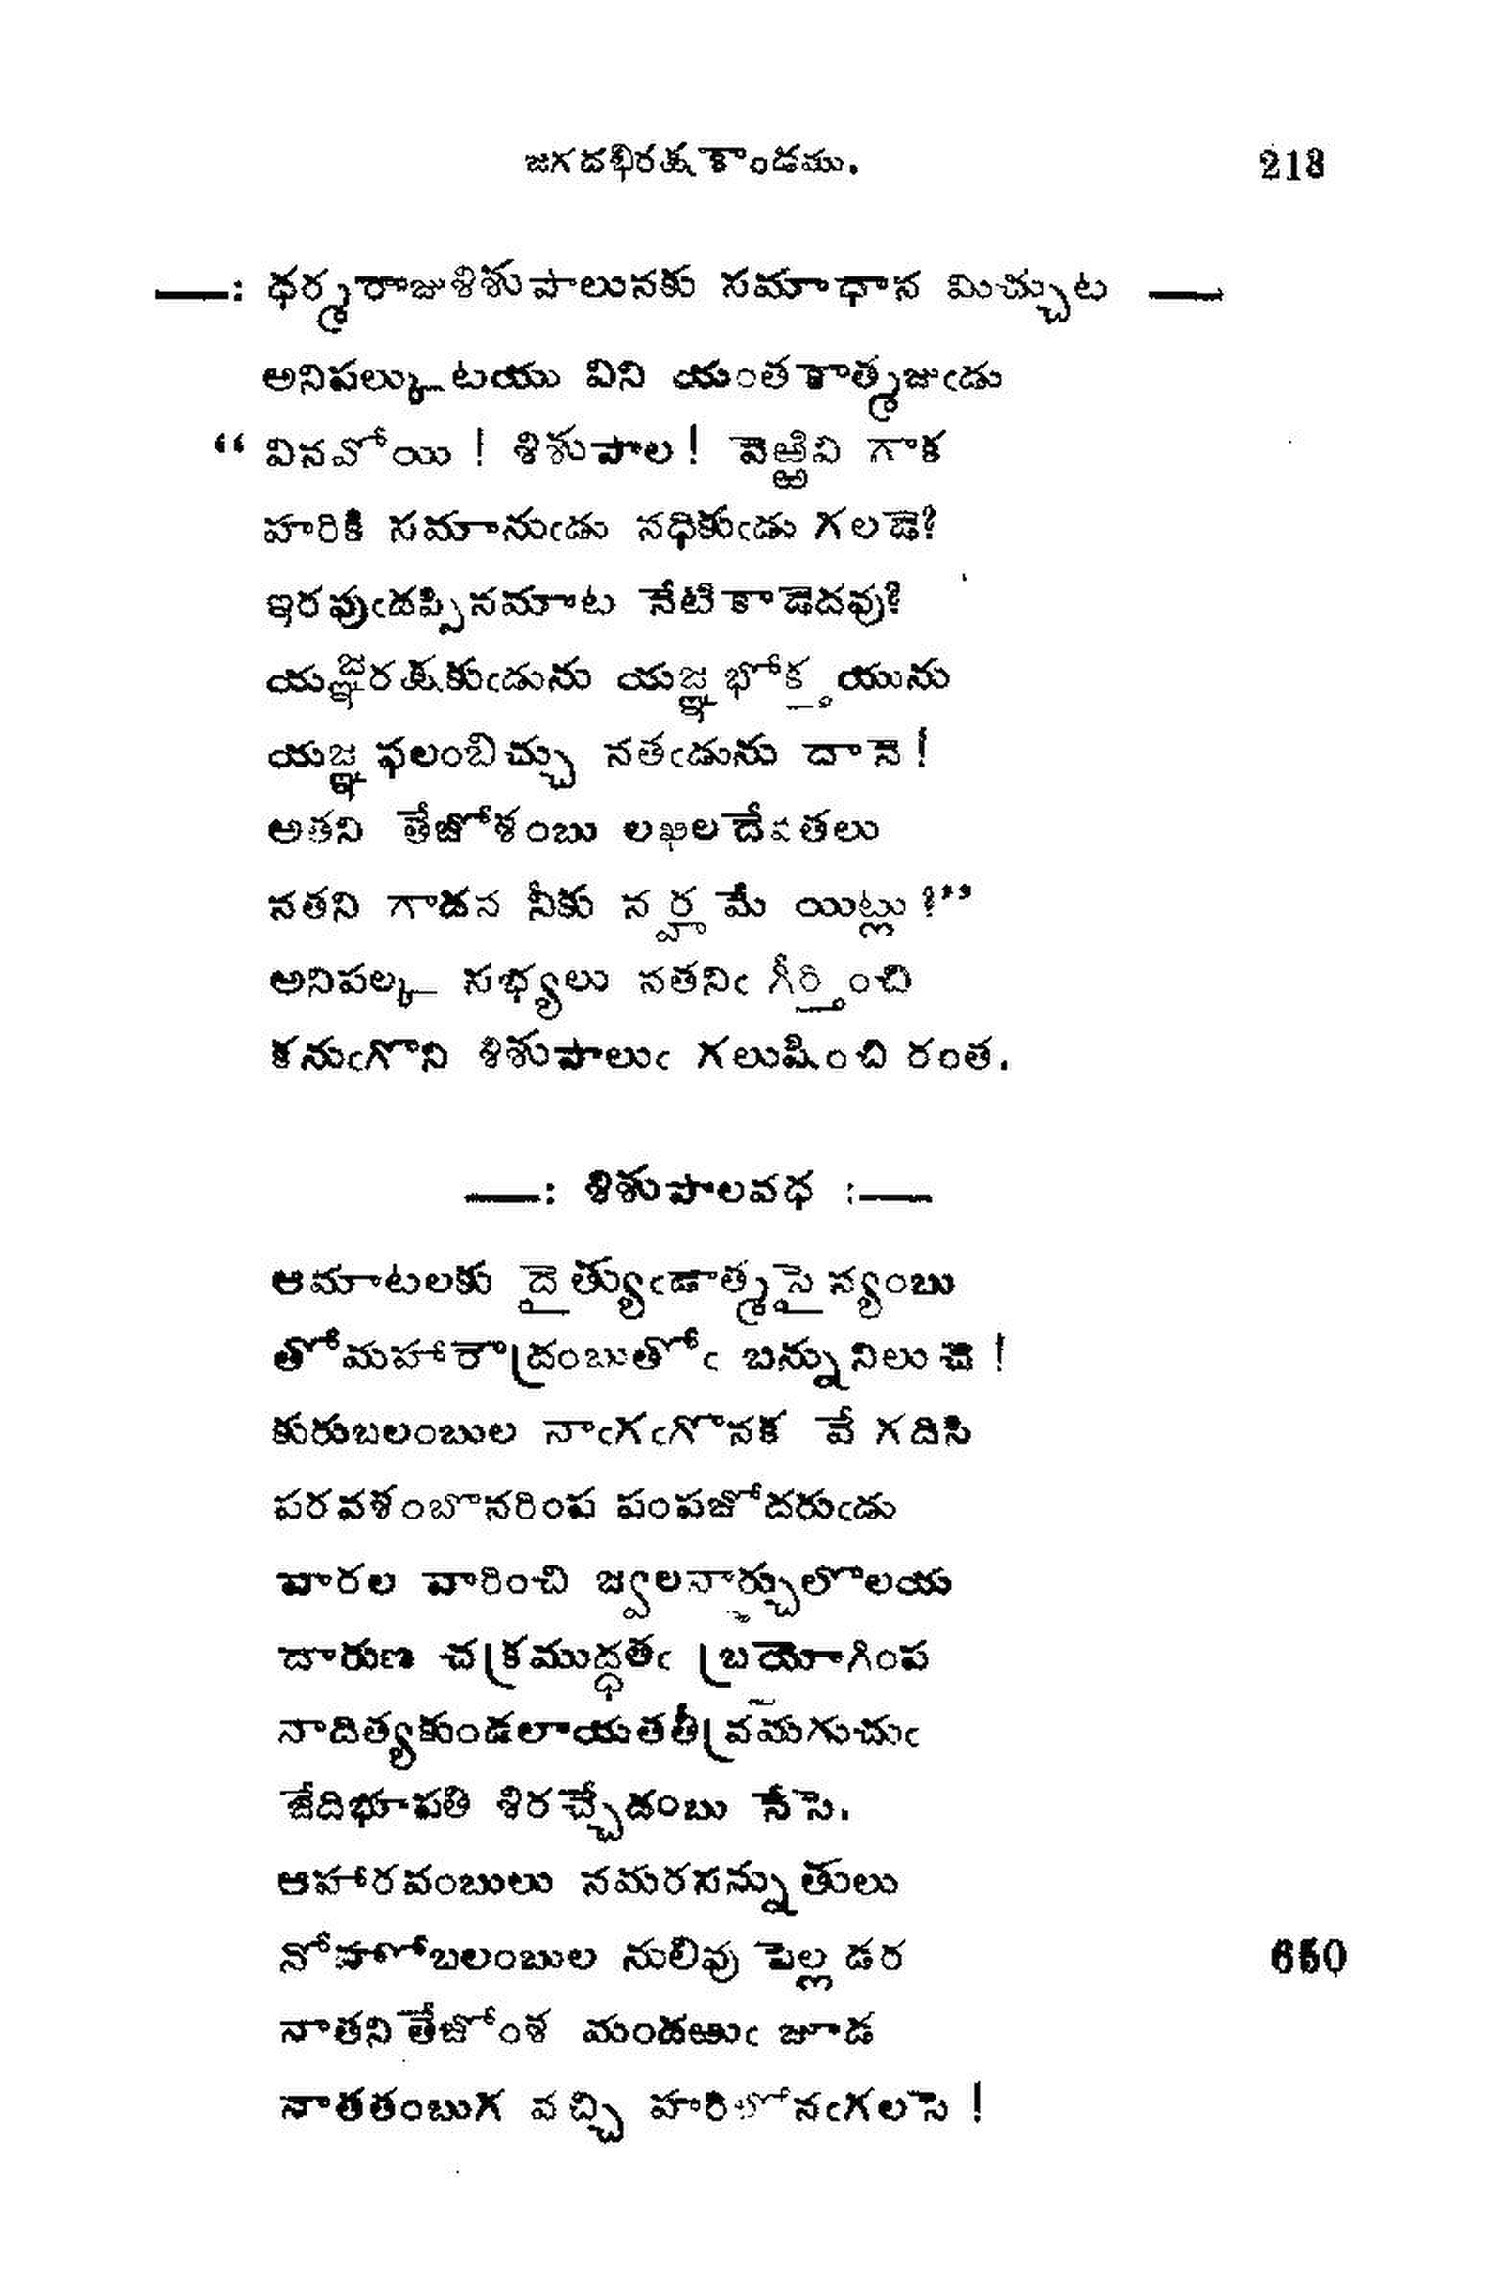ధర్మరాజు శిశుపాలునకు సమాధాన మిచ్చుట
అనిపల్కుటయు విని యంతకాత్మజుఁడు 
“వినవోయి! శిశుపాల! వెఱ్ఱివి గాక
హరికి సమానుఁడు నధికుఁడు గలడె? 
ఇరవుఁదప్పినమాట నేటికాడెదవు? 
యజ్ఞరక్షకుడును యజ్ఞభోక్తయును
యజ్ఞఫలంబిచ్చు నతఁడును దానె! 
అతని తేజోశంబు లఖిలదేవతలు
నతని గాదన నీకు నర్హమే యిట్లు?” 
అని పల్క సభ్యులు నతనిఁ గీర్తించి
కనుఁగొని శిశుపాలుఁ గలుషించిరంత.

ఆమాటలకు దైత్యుఁ డాత్మసైన్యంబు
తో మహారౌద్రంబుతోఁ బన్నునిలుచె! 
కురుబలంబుల నాఁగఁగొనక వే గదిసి
పరవశంబొనరింప పంకజోదరుఁడు
వారల వారించి జ్వలనార్చులొలయ
దారుణచక్ర ముద్ధతఁ బ్రయోగింప
నాదిత్యకుండలాయతతీవ్రమగుచుఁ
జేదిభూపతి శిరచ్ఛేదంబు సేసె. 
ఆహారవంబులు నమరసన్నుతులు
నోహోబలంబుల నులివు పె ల్లడర
నాతని తేజోంశ మందఱుఁ జూడ
నాతతంబుగ వచ్చి హరిలోనఁ గలసె!